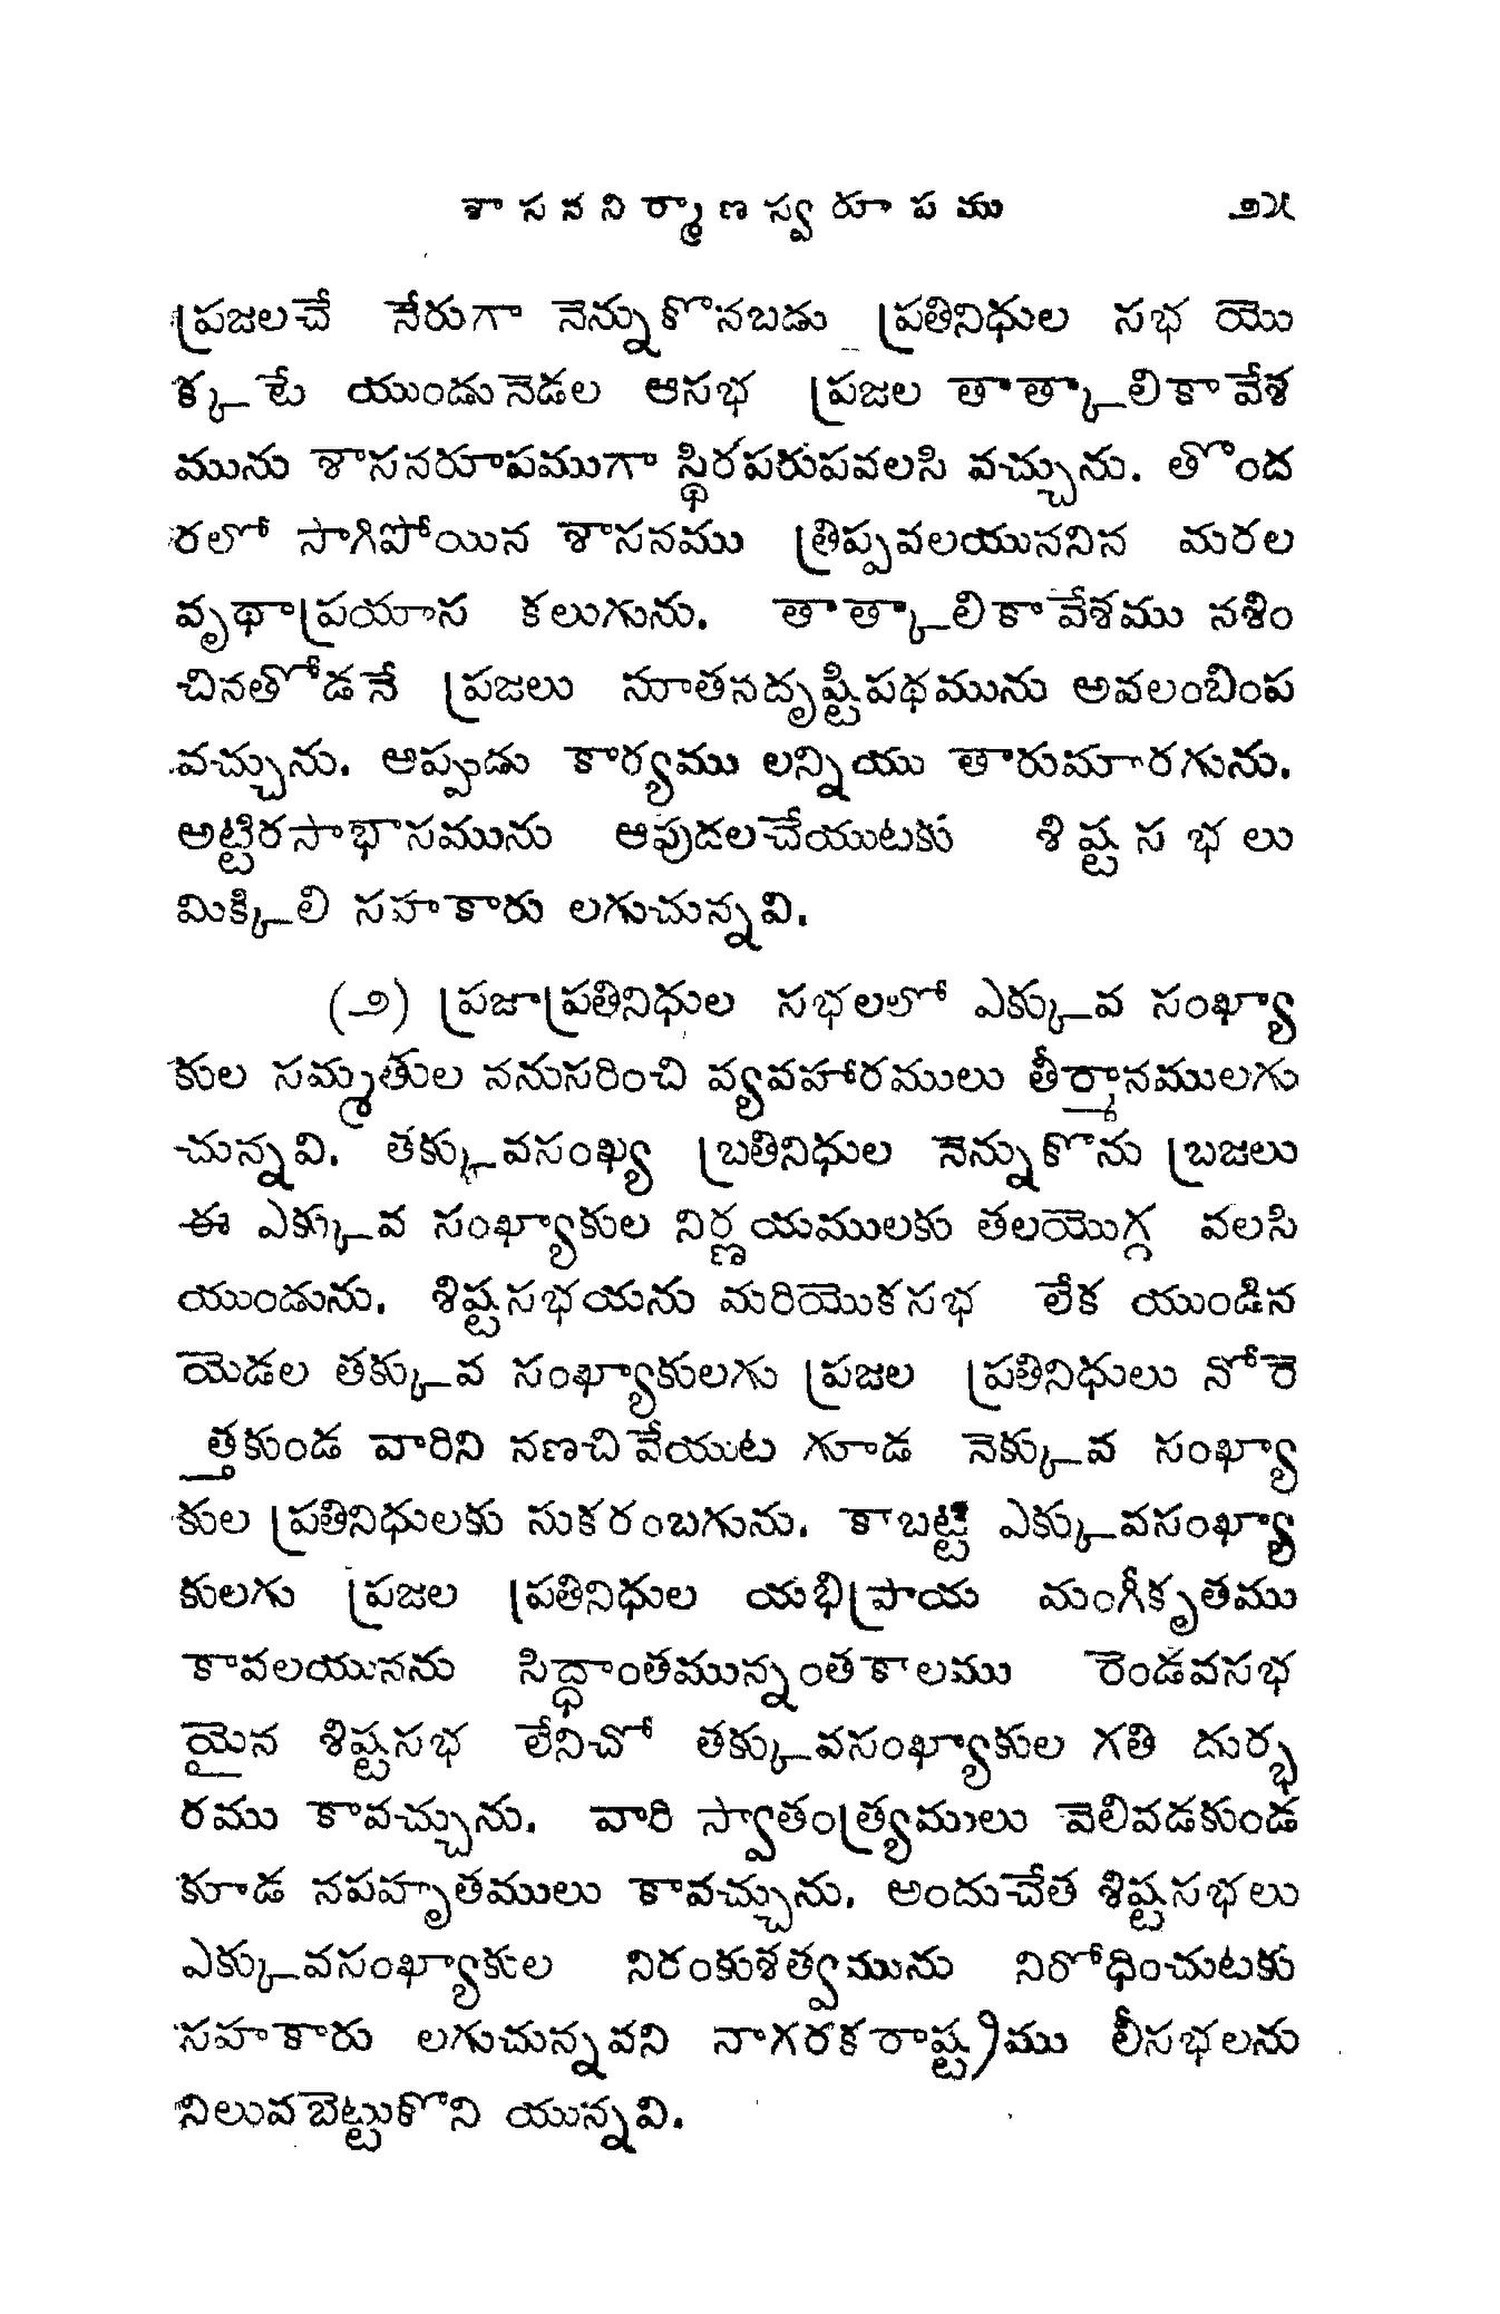ప్రజలచే నేరుగా నెన్నుకొనబడు . ప్రతినిధుల సభ యొక్కటే యుండునెడల ఆసభ ప్రజల తాత్కాలికావేశమును శాసనరూపముగా స్థిరపరుపవలసి వచ్చును. తొందరలో సాగిపోయిన శాసనము త్రిప్పవలయుననిన మరల వృథాప్రయాస కలుగును. తాత్కాలికావేశము నశించినతోడనే ప్రజలు నూతనదృష్టిపథమును అవలంబింపవచ్చును. అప్పుడు కార్యము లన్నియు తారుమారగును.
అట్టిరసాభాసమును ఆపుదలచేయుటకు శిష్టసభలు మిక్కిలి సహకారు లగుచున్నవి.

(2) ప్రజాప్రతినిధుల సభలలో ఎక్కువ సంఖ్యాకుల సమ్మతుల ననుసరించి వ్యవహారములు తీర్మానములగుచున్నవి. తక్కువసంఖ్య బ్రతినిధుల నెన్నుకొను బ్రజలు ఈ ఎక్కువ సంఖ్యాకుల నిర్ణయములకు తలయొగ్గ వలసి యుండును. శిష్టసభయను మరియొకసభ లేక యుండిన యెడల తక్కువ సంఖ్యాకులగు ప్రజల ప్రతినిధులు నోరెత్తకుండ వారిని నణచివేయుట గూడ నెక్కువ సంఖ్యాకుల ప్రతినిధులకు సుకరంబగును. కాబట్టి ఎక్కువసంఖ్యాకులగు ప్రజల ప్రతినిధుల యభిప్రాయ మంగీకృతము కావలయునను సిద్ధాంతమున్నంతకాలము రెండవసభయైన శిష్టసభ లేనిచో తక్కువసంఖ్యాకుల గతి దుర్భరము కావచ్చును. వారి స్వాతంత్ర్యములు వెలివడకుండ కూడ నపహృతములు కావచ్చును. అందుచేత శిష్టసభలు ఎక్కువసంఖ్యాకుల నిరంకుశత్వమును నిరోధించుటకు సహకారు లగుచున్నవని నాగరకరాష్ట్రము లీసభలను నిలువబెట్టుకొని యున్నవి.